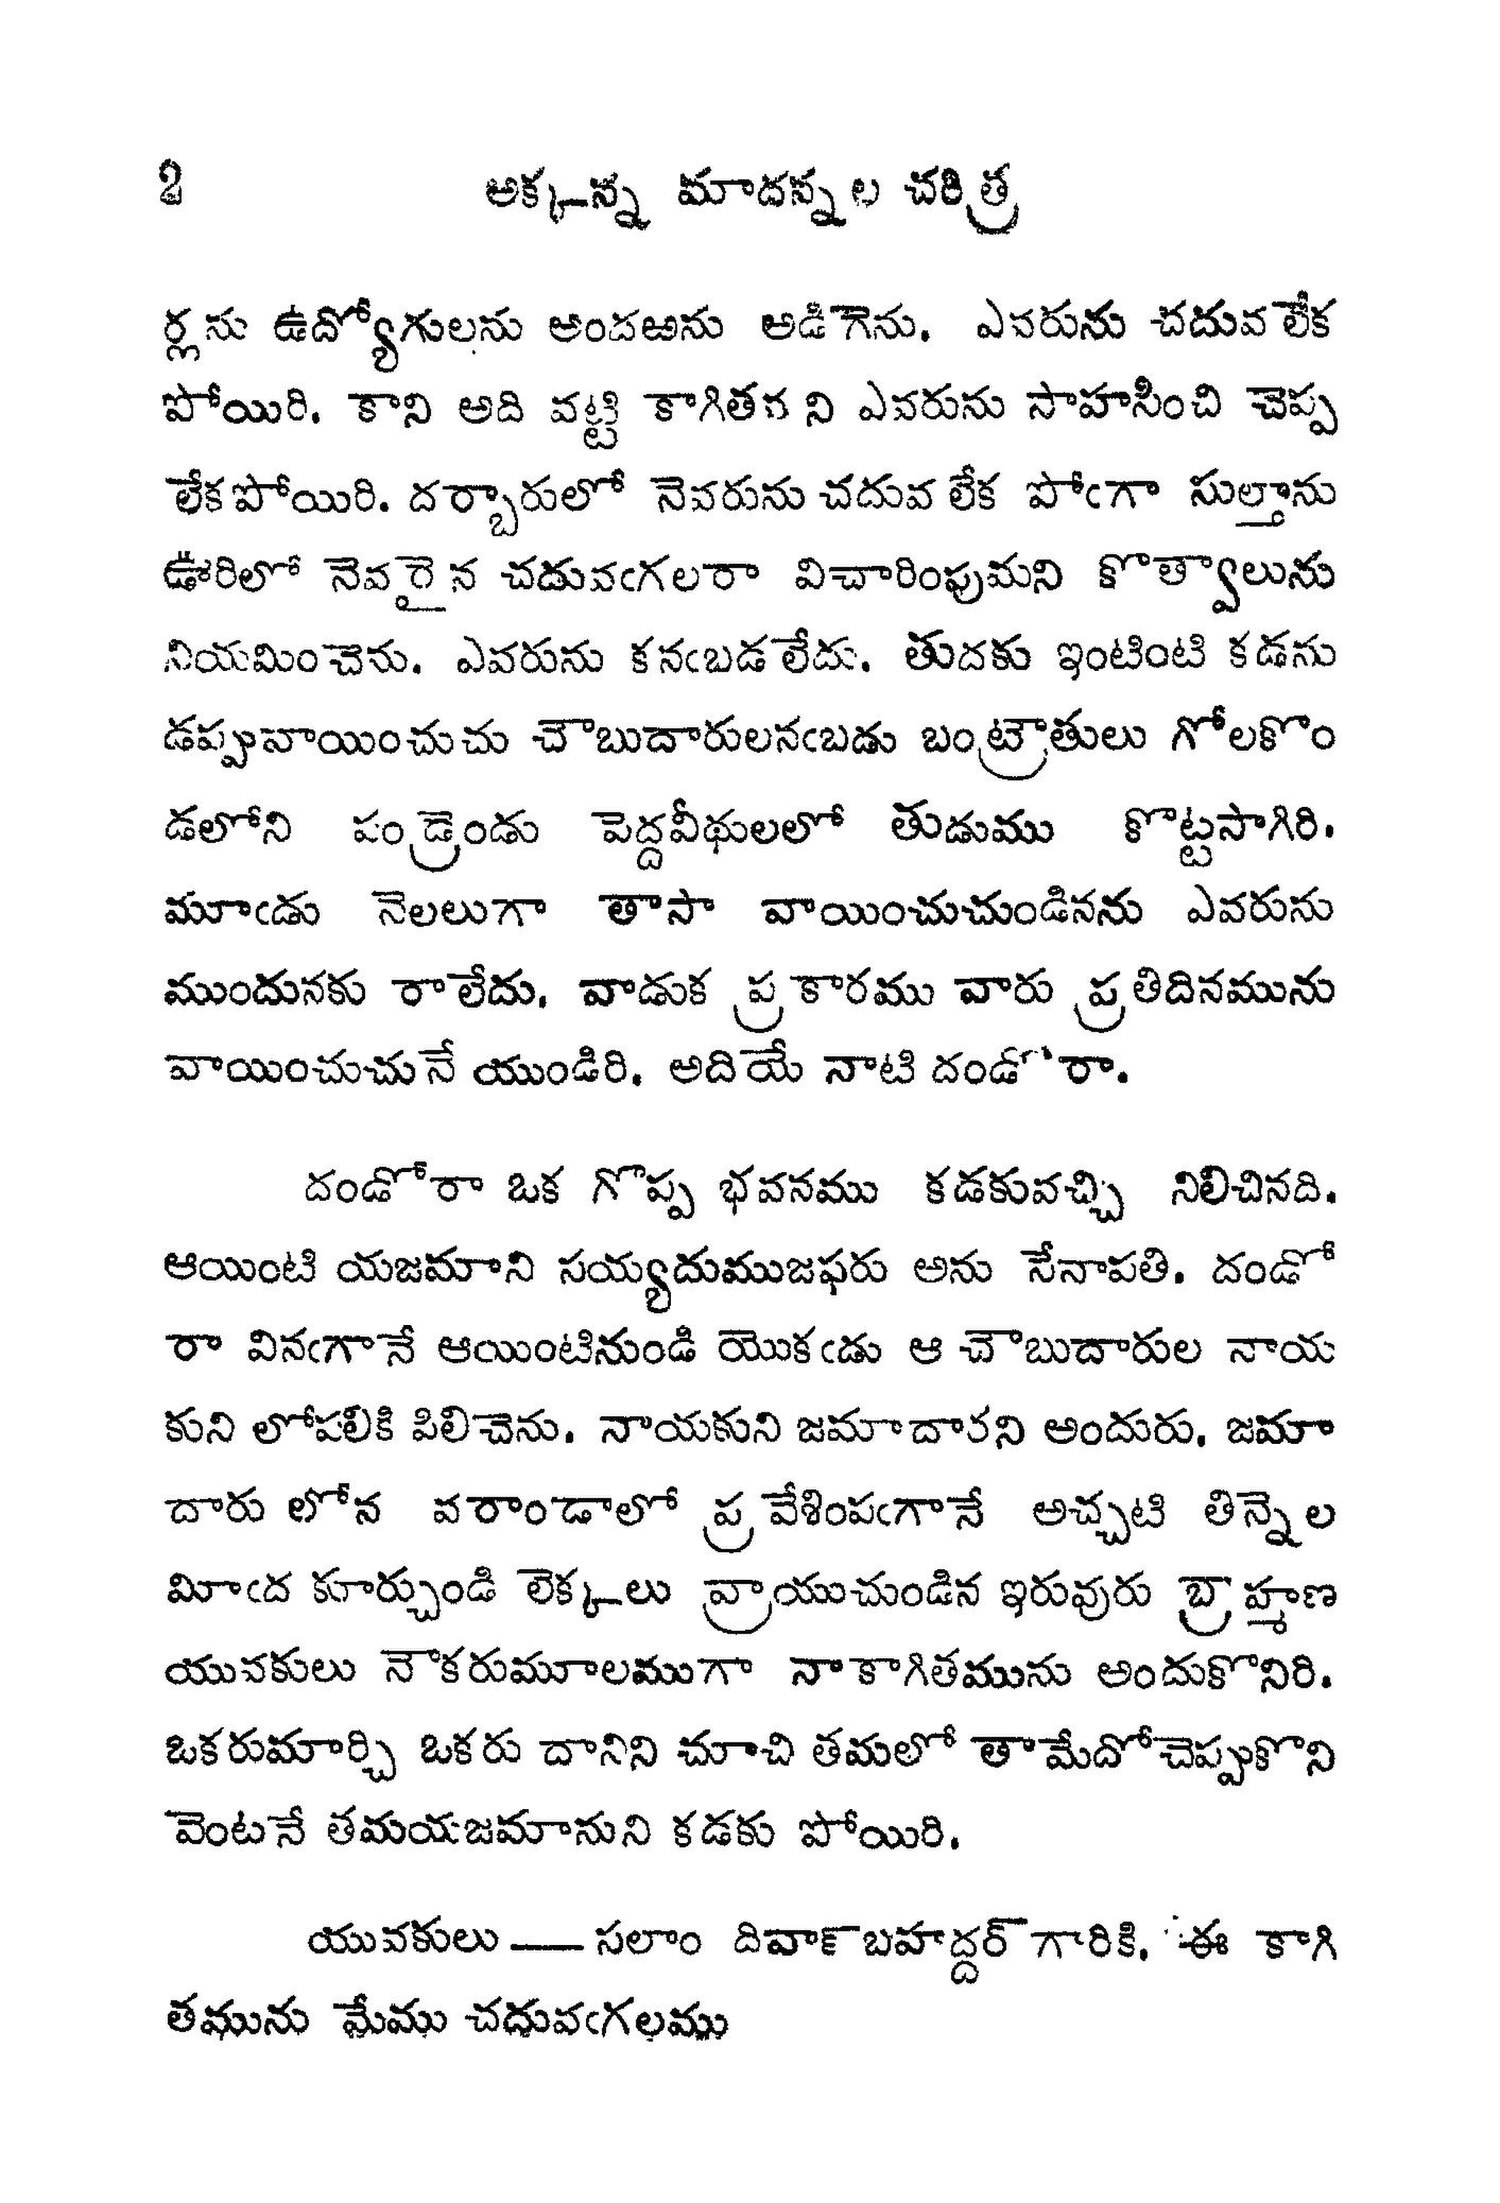ర్లను ఉద్యోగులను అందఱను అడిగెను. ఎవరును చదువలేక పోయిరి. కాని అది వట్టి కాగితగమని ఎవరును సాహసించి చెప్పలేకపోయిరి. దర్బారులో నెవరును చదువలేక పోఁగా సుల్తాను ఊరిలో నెవరైన చదువఁగలరా విచారింపుమని కొత్వాలును నియమించెను. ఎవరును కనఁబడలేదు. తుదకు ఇంటింటి కడను డప్పువాయించుచు చౌబుదారులనఁబడు బంట్రౌతులు గోలకొండలోని పండ్రెండు పెద్దవీథులలో తుడుము కొట్టసాగిరి. మూఁడు నెలలుగా తాసా వాయించుచుండినను ఎవరును ముందునకు రాలేదు. వాడుక ప్రకారము వారు ప్రతిదినమును వాయించుచునే యుండిరి. అదియే నాటి దండోరా.

దండోరా ఒక గొప్ప భవనము కడకువచ్చి నిలిచినది. ఆయింటి యజమాని సయ్యదుముజఫరు అను నేనాపతి. దండోరా వినఁగానే ఆయింటినుండి యొకఁడు ఆ చౌబుదారుల నాయకుని లోపలికి పిలిచెను. నాయకుని జమాదారని అందురు. జమాదారు లోన వరాండాలో ప్రవేశింపఁగానే అచ్చటి తిన్నెల మీఁద కూర్చుండి లెక్కలు వ్రాయుచుండిన ఇరువురు బ్రాహ్మణ యువకులు నౌకరుమూలముగా నాకాగితమును అందుకొనిరి. ఒకరుమార్చి ఒకరు దానిని చూచి తమలో తామేదోచెప్పుకొని వెంటనే తమయజమానుని కడకు పోయిరి.

యువకులు ― సలాం దివాౝబహద్దర్‌గారికి. ఈ కాగితమును మేము చదువఁగలము